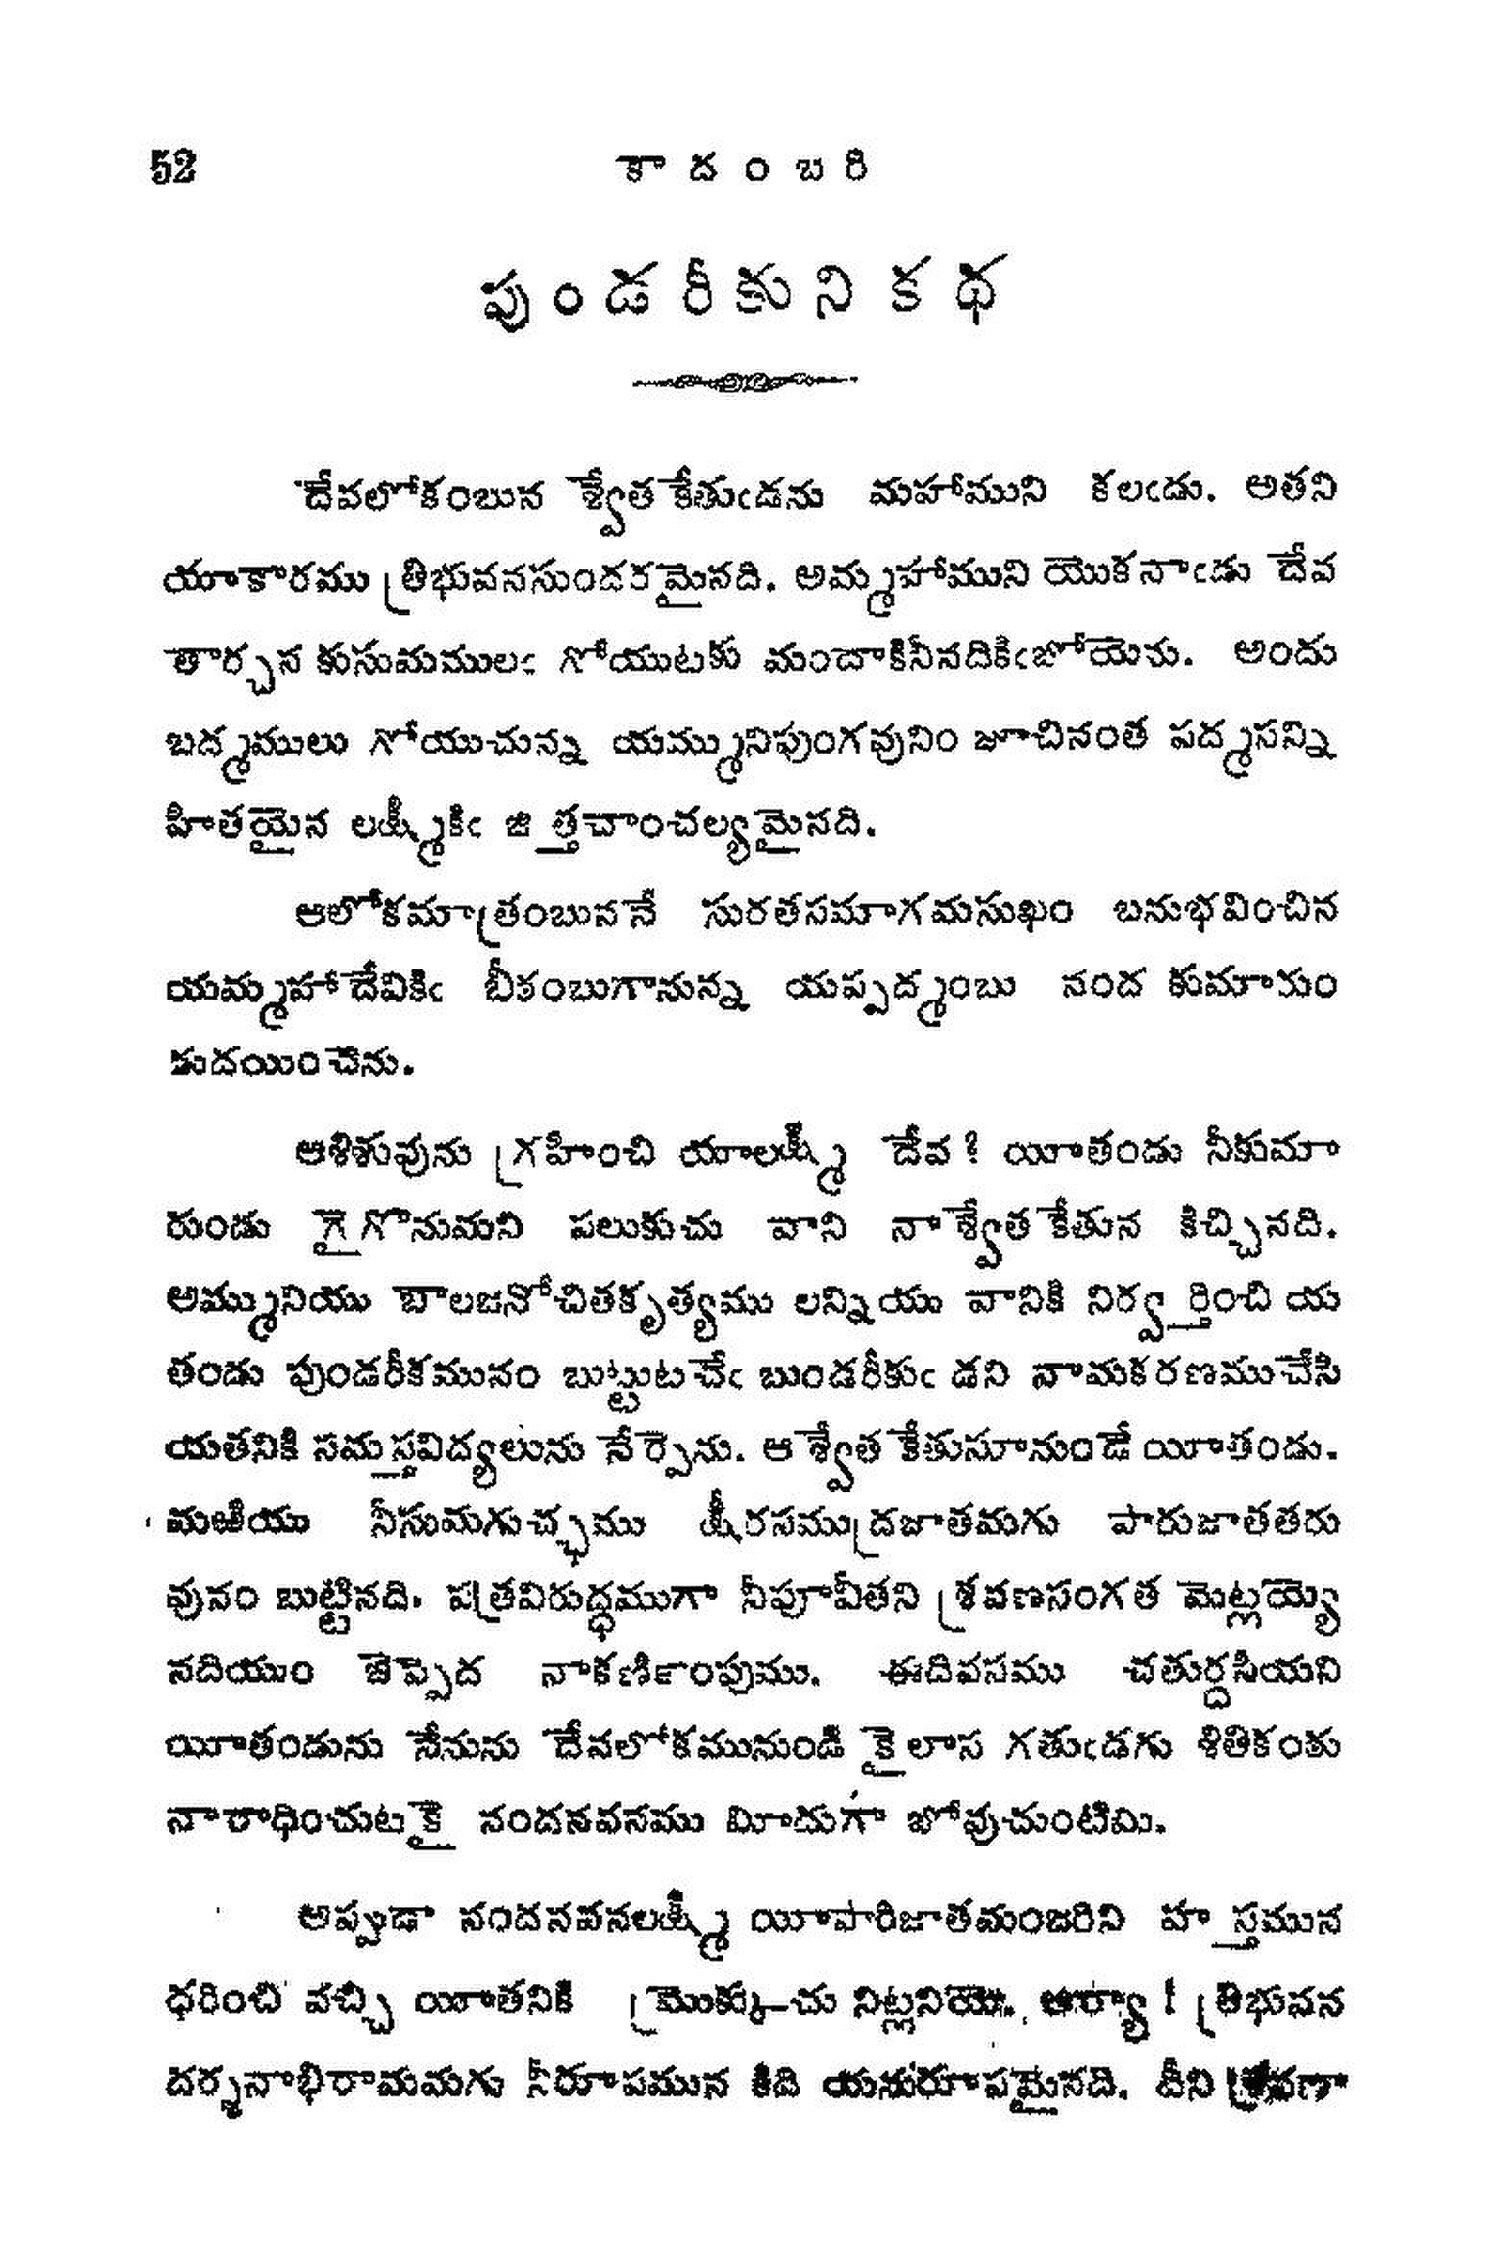పుండరీకుని కథ

దేవలోకంబున శ్వేతకేతుఁడను మహాముని కలఁడు. అతని యాకారము త్రిభువనసుందరమైనది. అమ్మహాముని యొకనాఁడు దేవతార్చన కుసుమములఁ గోయుటకు మందాకినీనదికిఁబోయెను. అందు బద్మములు గోయుచున్న యమ్మునిపుంగవునిం జూచినంత పద్మసన్నిహితయైన లక్ష్మీకిఁ జిత్తచాంచల్యమైనది.

ఆలోకమాత్రంబుననే సురతసమాగమసుఖం బనుభవించిన యమ్మహాదేవికిఁ బీఠంబుగానున్న యప్పద్మంబు నంద కుమారుండుదయించెను.

ఆశిశువును గ్రహించి యాలక్ష్మి దేవ? యీతండు నీకుమారుండు గైకొనుమని పలుకుచు వాని నాశ్వేతకేతున కిచ్చినది. అమ్మునియు బాలజనోచితకృత్యము లన్నియు వానికి నిర్వర్తించి యతుండు పుండరీకమునం బుట్టుటచేఁ బుండరీకుఁ డని నామకరణముచేసి యతనికి సమస్తవిద్యలును నేర్పెను. ఆశ్వేత కేతునూనుండే యీతండు. మఱియు నీసుగుమగుచ్ఛము క్షీరసముద్రజాతమగు పారుజాతతరువునం బుట్టినది. పత్రవిరుద్ధముగా నీపూవీతని శ్రవణసంగత మెట్లయ్యె నదియుం జెప్పెద నాకణి౯ంపుము. ఈదివసము చతుర్దసియని యీతండును నేనును దేవలోకమునుండి కైలాస గతుఁడగు శితికంఠు నారాధించుటకై నందనవనము మీదుగా బోవుచుంటిమి.

అప్పుడా నందనవనలక్ష్మి యీపారిజాతమంజరిని హస్తమున ధరించి వచ్చి యీతనికి మ్రొక్కుచు నిట్లనియె. ఆర్యా! త్రిభువన దర్శనాభిరామమగు నీరూపమున కిది యనురూపమైనది. దీని శ్రవణా